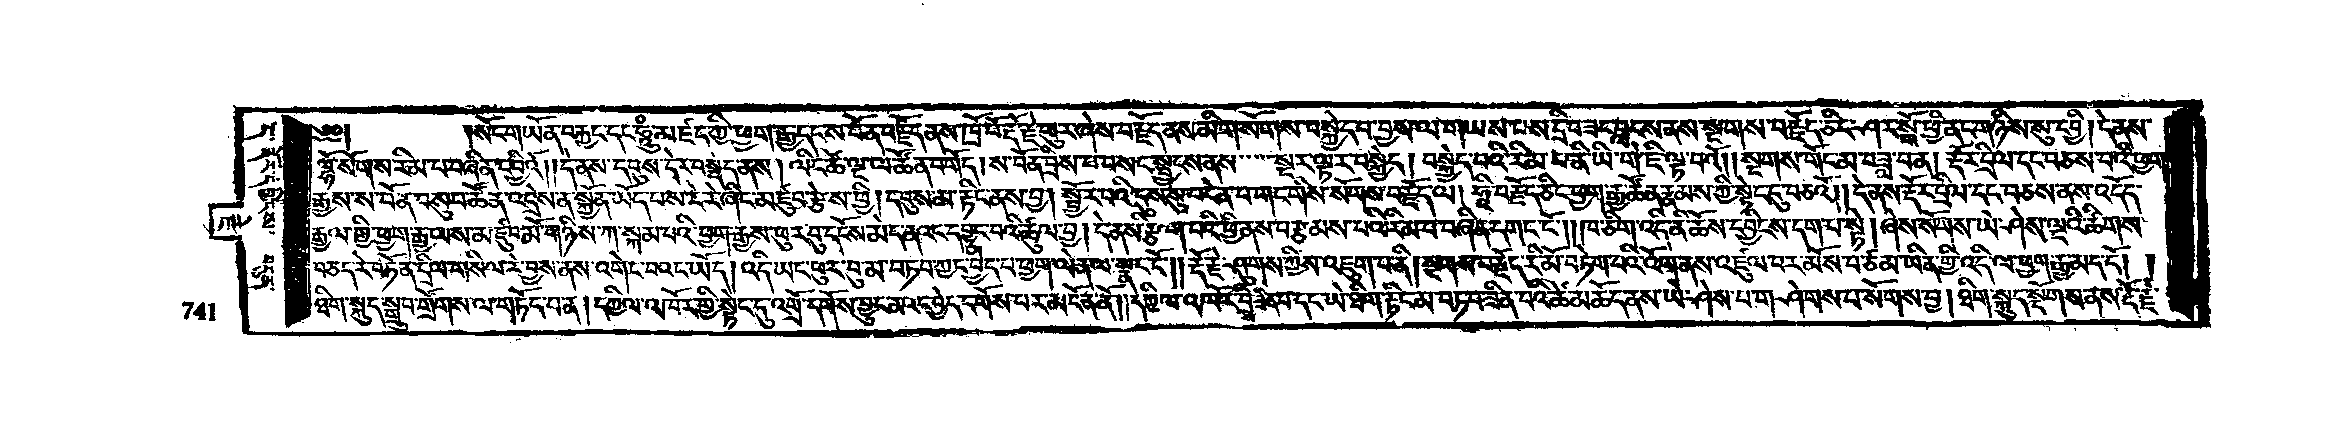༄༅། །སོང་གཡོན་བརྐྱང་དང་ཧཱུཾ་མཛད་ཀྱི་ཕྱག་རྒྱ་དང་ས་བོན་བརྗོད་ནས་ཁྲོ་བོ་རྡོ་རྗེ་ཕུར་ཞེས་བརྗོད་ནས་མིག་སོགས་བསྐྱེད་པ་བྱས་ལ་གཡས་པས་དྲི་བཟང་བླངས་ནས་སྔགས་བརྗོད་ཅིང་ཤར་སྒོ་ཕྱི་ནང་གཉིས་སུ་དབྱི། དེ་ནས་
ལྷོ་སོགས་རིམ་པ་བཞིན་དབྱིའོ། །དེ་ནས་དབུས་དེར་བསྡད་ནས། ལིང་ཚེ་ལྔ་ལ་ཚོན་བགོད། ས་བོན་བྲིས་པ་བསང་སྦྱངས་ནས་སྔར་ལྟར་བསྐྱེད། བསྐྱེད་པའི་རིམ་པ་ནི་ཡི་གེ་ཇི་ལྟ་བའོ། །སྔགས་གོང་མ་བཟླ་བ་ན། རྡོར་དྲིལ་དང་བཅས་པའི་ཕྱག་
རྒྱས་ས་བོན་བསུབ་ཚོན་འདྲེས་ན་སྐྱོན་ཡོད་པས་རེ་རེ་ཞིང་མཛུབ་རྩེས་ཕྱི། དབུས་མ་རྟིང་ནས་བྱ། སྦྱོར་བའི་དུས་སུ་བདེན་པ་གང་གིས་སོགས་བརྗོད་ལ། ཧཱི་བརྗོད་ཅིང་ཕྱག་རྒྱ་ཚོན་རྣམས་ཀྱི་སྟེང་དུ་བཅའོ། །དེ་ནས་རྡོར་དྲིལ་དང་བཅས་ནས་འདོད་
རྒྱལ་གྱི་ཕྱག་རྒྱ་ལས་མཛུབ་མོ་གཉིས་ཀ་སྐམ་པའི་ཕྱག་རྒྱས་ཕུར་བུ་དངོས་མེད་ནའང་དབྱུང་བའི་ཚུལ་བྱ། དེ་ནས་རྩིག་པའི་ཕྱི་ནས་བརྩམས་པའི་རིམ་པ་བཞིན་དགང་ངོ། །ཁ་ཅིག་འདི་ནི་ཆོས་དབྱིངས་དག་པ་སྟེ། ཞེས་སོགས་ཡེ་ཤེས་ལྔའི་ཚིགས་
བཅད་རེ་བཏོན་དྲིལ་གསིལ་རེ་བྱས་ནས་འགེང་བའང་ཡོད། འདི་ཡང་ཕུར་བུ་མ་བཏབ་ཀྱང་བྱེད་པ་ཕྱག་ལེན་ལ་སྣང་ངོ། །རྡོ་རྗེ་ཤུགས་ཀྱིས་འཇུག་པ་ནི། སྔགས་བརྗོད་རི་མོ་བཏེག་པའི་འོག་ནས་འཛུལ་བར་མོས་པ་ཙམ་ཡིན་གྱི་འདི་ལ་ཕྱག་རྒྱ་མེད་དོ། །
ཐིག་སྐུད་སྒྲུབ་གྲོགས་ལ་གཏོང་བ་ན། དཀྱིལ་འཁོར་གྱི་སྟེང་དུ་འགྲོ་དགོས་བྱུང་ནའང་བྱེད་དགོས་པར་མངོན་ནོ། །དཀྱིལ་འཁོར་བྲིས་ཟིན་པ་དང་ཡེ་ཐིག་རྟིང་མ་བཏབ་ཟིན་པའི་ཚེ་མཆོད་ནས་ཡེ་ཤེས་པ་གཤེགས་པ་སོགས་བྱ། ཐིག་སྐུད་སྡོགས་ནས་རྡོ་རྗེ་